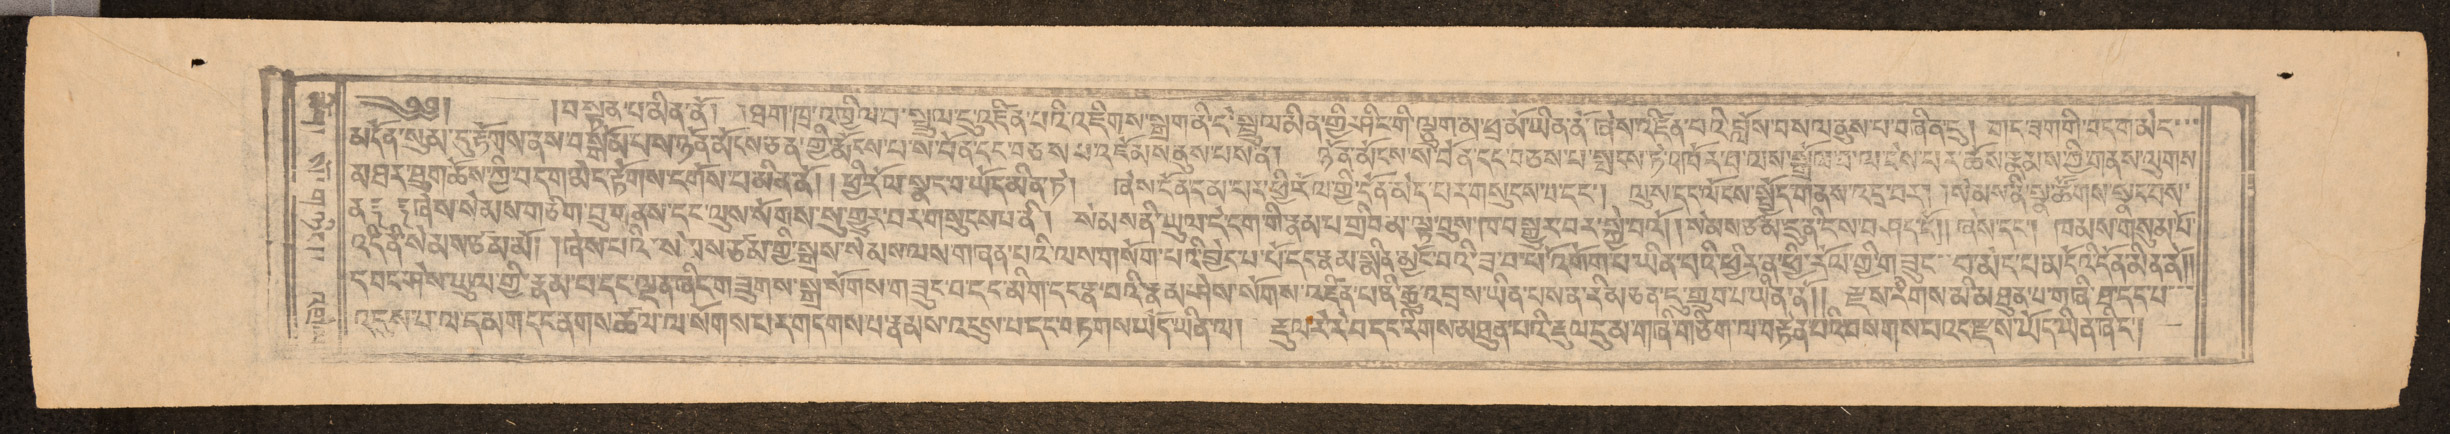༄༅། །བསྟན་པ་མིན་ནོ། །ཐག་ཁྲ་འཁྱིལ་བ་སྦྲུལ་དུ་འཛིན་པའི་འཇིགས་སྒྲག་ནི་དེ་སྦྲུལ་མིན་གྱི་ཤིང་གི་ལྕུག་མ་ཕྲ་མོ་ཡིན་ནོ་ཞེས་འཛིན་པའི་བློས་བསལ་ནུས་པ་བཞིན་དུ། གང་ཟག་གི་བདག་མེད་
མངོན་སུམ་དུ་རྟོགས་ནས་བསྒོམ་པས་ཉོན་མོངས་ཅན་གྱི་རྨོངས་པ་ས་བོན་དང་བཅས་པ་འཇོམས་ནུས་པས་ན། ཉོན་མོངས་ས་བོན་དང་བཅས་པ་སྤངས་ཏེ་འཁོར་བ་ལས་སྒྲོལ་བ་ལ་ངེས་པར་ཆོས་རྣམས་ཀྱི་གནས་ལུགས་
མཐར་ཐུག་ཆོས་ཀྱི་བདག་མེད་རྟོགས་དགོས་པ་མིན་ནོ། །ཕྱི་རོལ་སྣང་བ་ཡོད་མིན་ཏེ། ཞེས་དོན་དམ་པར་ཕྱི་རོལ་གྱི་དོན་མེད་པར་གསུངས་པ་དང་། ལུས་དང་ལོངས་སྤྱོད་གནས་འདྲ་བར། །སེམས་ནི་སྣ་ཚོགས་སྣང་བས་
ན༑ ༑ཞེས་སེམས་གཅིག་བུ་གནས་དང་ལུས་སོགས་སུ་གྱུར་བར་གསུངས་པ་ནི། སེམས་ནི་ཡུལ་དེ་དག་གི་རྣམ་པ་གྲིབ་མ་ལྟ་བུས་ཁ་བསྒྱུར་བར་སྐྱེ་བའོ། །སེམས་ཙམ་དུ་ནི་ངིས་བཤད་དོ།། ཞེས་དང་། ཁམས་གསུམ་པོ་
འདི་ནི་སེམས་ཙམ་མོ། །ཞེས་པའི་སེམས་ཙམ་གྱི་སྒྲས་སེམས་ལས་གཞན་པའི་ལས་གསོག་པའི་བྱེད་པ་པོ་དང་རྣམ་སྨིན་མྱོང་བའི་ཟ་བ་པོ་འགོག་པ་ཡིན་པའི་ཕྱིར་ན་ཕྱི་རོལ་གྱི་གཟུང་བ་མེད་པ་མདོའི་དོན་མིན་ནོ།།
དབང་ཤེས་ཡུལ་གྱི་རྣམ་པ་དང་ལྡན་ཞིང་གཟུགས་སྒྲ་སོགས་གཟུང་བ་དང་མིག་དང་རྣ་བའི་རྣམ་ཤེས་སོགས་འཛིན་པ་ནི་རྒྱུ་འབྲས་ཡིན་པས་ན་རིམ་ཅན་དུ་གྲུབ་པ་ཡིན་ནོ།། རྫས་རིགས་མི་མཐུན་པ་གཞི་ཐ་དད་པ་
འདུས་པ་ལ་དམག་དང་ནགས་ཚལ་ལ་སོགས་པར་གདགས་པ་རྣམས་འདུལ་པ་དང་བཏགས་ཡོད་ཡིན་ལ། རྡུལ་རེ་རེ་བ་དང་རིགས་མཐུན་པའི་རྡུལ་དུ་མ་གཞི་གཅིག་ལ་བརྟེན་པའི་བསགས་པའང་རྫས་ཡོད་ཡིན་ཞིང་།